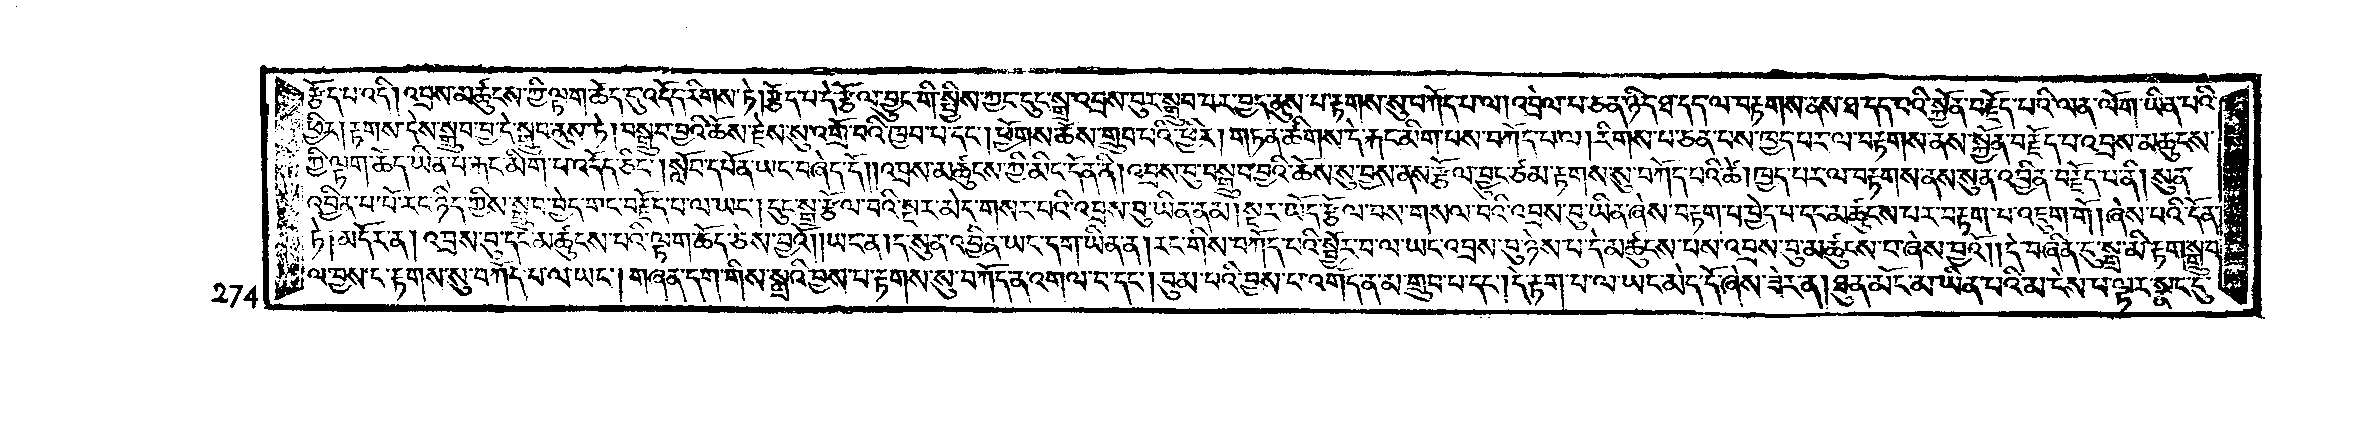རྩོད་པ་འདི། འབྲས་མཚུངས་ཀྱི་ལྟག་ཆོད་དུ་འདོད་རིགས་ཏེ། རྩོད་པ་དེ་རྩོལ་བྱུང་གི་སྤྱིས་ཀྱང་དུང་སྒྲ་འབྲས་བུར་སྒྲུབ་པར་བྱེད་ནུས་པ་རྟགས་སུ་བཀོད་པ་ལ། འབྲེལ་པ་ཅན་ཉིད་ཐ་དད་ལ་བརྟགས་ནས་ཐ་དད་པའི་སྐྱོན་བརྗོད་པའི་ལན་ལོག་ཡིན་པའི་
ཕྱིར། རྟགས་དེས་སྒྲུབ་བྱ་དེ་སྒྲུབ་ནུས་ཏེ། བསྒྲུབ་བྱའི་ཆོས་རྗེས་སུ་འགྲོ་བའི་ཁྱབ་པ་དང་། ཕྱོགས་ཆོས་གྲུབ་པའི་ཕྱིར། གཏན་ཚིགས་དེ་རྐང་མིག་པས་བཀོད་པ་ལ། རིགས་པ་ཅན་པས་ཁྱད་པར་ལ་བརྟགས་ནས་སྐྱོན་བརྗོད་པ་འབྲས་མཚུངས་
ཀྱི་ལྟག་ཆོད་ཡིན་པ་རྐང་མིག་པ་འདོད་ཅིང་།སློབ་དཔོན་ཡང་བཞེད་དོ། །འབྲས་མཚུངས་ཀྱི་མིང་དོན་ནི། འབྲས་བུ་བསྒྲུབ་བྱའི་ཆོས་སུ་བྱས་ནས་རྩོལ་བྱུང་ཙམ་རྟགས་སུ་བཀོད་པའི་ཚེ། ཁྱད་པར་ལ་བརྟགས་ནས་སུན་འབྱིན་བརྗོད་པ་ནི། སུན་
འབྱིན་པ་པོ་རང་ཉིད་ཀྱིས་སྒྲུབ་བྱེད་གང་བརྗོད་པ་ལ་ཡང་། དུང་སྒྲ་རྩོལ་བའི་སྔར་མེད་གསར་པའི་འབྲས་བུ་ཡིན་ནམ། སྔར་ཡོད་རྩོལ་བས་གསལ་བའི་འབྲས་བུ་ཡིན་ཞེས་བརྟག་པ་བྱེད་པ་དང་མཚུངས་པར་བརྟག་པ་འཇུག་གོ། ཞེས་པའི་དོན་
ཏེ། མདོར་ན། འབྲས་བུ་དང་མཚུངས་པའི་ལྟག་ཆོད་ཅེས་བྱའོ། །ཡང་ན། དེ་སུན་འབྱིན་ཡང་དག་ཡིན་ན། རང་གིས་བཀོད་པའི་སྦྱོར་བ་ལ་ཡང་འབྲས་བུ་ཉེས་པ་དེ་མཚུངས་པས་འབྲས་བུ་མཚུངས་པ་ཞེས་བྱའོ། །དེ་བཞིན་དུ་སྒྲ་མི་རྟག་སྒྲུབ་
ལ་བྱས་པ་རྟགས་སུ་བཀོད་པ་ལ་ཡང་། གཞན་དག་གིས་སྒྲའི་བྱས་པ་རྟགས་སུ་བཀོད་ན་འགལ་བ་དང་། བུམ་པའི་བྱས་པ་འགོད་ན་མ་གྲུབ་པ་དང་། དེ་རྟག་པ་ལ་ཡང་མེད་དོ་ཞེས་ཟེར་ན། ཐུན་མོང་མ་ཡིན་པའི་མ་ངེས་པ་ལྟར་སྣང་དུ་